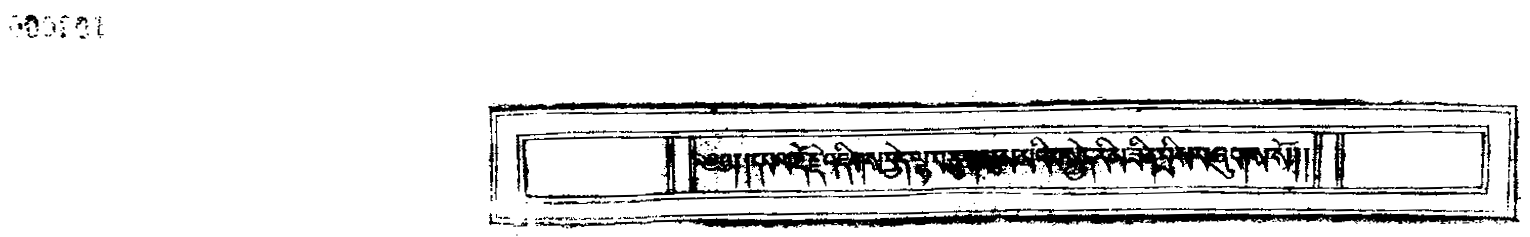༄༅། །དཔལ་རྡོ་རྗེ་འཇིགས་བྱེད་ལྷ་བཅུ་གསུམ་མའི་བསྐྱེད་རིམ་ཟིན་བྲིས་བཞུགས་སོ། །